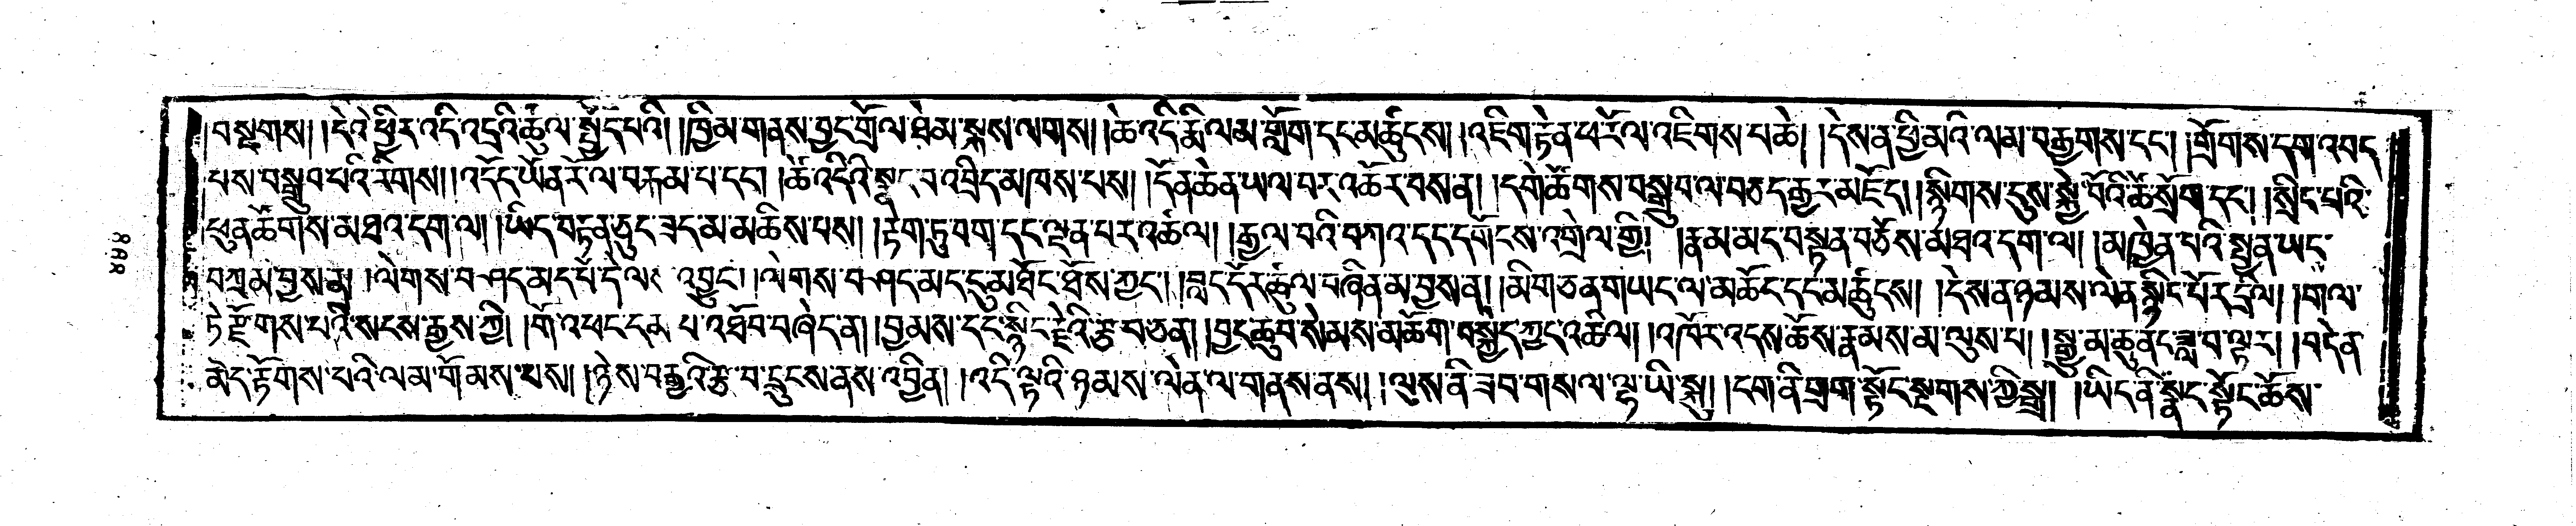བསྔགས། །དེའི་ཕྱིར་འདི་འདྲའི་ཚུལ་སྤྱོད་པའི། །ཁྱིམ་གནས་བྱང་གྲོལ་ཐེམ་སྐས་ལགས། །ཚེ་འདི་རྨི་ལམ་གློག་དང་མཚུངས། །འཇིག་རྟེན་ཕ་རོལ་འཇིགས་པ་ཆེ། །དེས་ན་ཕྱི་མའི་ལམ་བརྒྱགས་དང་། །གྲོགས་དག་འབད་
པས་བསྒྲུབ་པའི་རིགས། །འདོད་ཡོན་རོ་ལ་བརྐམ་པ་དང་། །ཚེ་འདིའི་སྣང་བ་འབྲིད་མཁས་པས། །དོན་ཆེན་ཡལ་བར་འཆོར་བས་ན། །དགེ་ཚོགས་བསྒྲུབ་ལ་བཅད་རྒྱར་མཛོད། །སྙིགས་དུས་སྐྱེ་བོའི་ཚེ་སྲོག་དང་། །སྲིད་པའི་
ཕུན་ཚོགས་མཐའ་དག་ལ། །ཡིད་བརྟན་ཅུང་ཟད་མ་མཆིས་པས། །རྟག་ཏུ་བག་དང་ལྡན་པར་འཚལ། །རྒྱལ་བའི་བཀའ་དང་དགོངས་འགྲེལ་གྱི། །རྣམ་མང་བསྟན་བཅོས་མཐའ་དག་ལ། །མཁྱེན་པའི་སྤྱན་ཡང་
བཀྲམ་བྱས་ན། །ལེགས་བཤད་མང་པོ་དེ་ལས་འབྱུང་། །ལེགས་བཤད་མང་དུ་མཐོང་ཐོས་ཀྱང་། །བླང་དོར་ཚུལ་བཞིན་མ་བྱས་ན། །མིག་ཅན་གཡང་ལ་མཆོང་དང་མཚུངས། །དེས་ན་ཉམས་ལེན་སྙིང་པོར་དྲིལ། །གལ་
ཏེ་རྫོགས་པའི་སངས་རྒྱས་ཀྱི། །གོ་འཕང་དམ་པ་འཐོབ་བཞེད་ན། །བྱམས་དང་སྙིང་རྗེའི་རྩ་བ་ཅན། །བྱང་ཆུབ་སེམས་མཆོག་བསྐྱེད་ཀྱང་འཚལ། །འཁོར་འདས་ཆོས་རྣམས་མ་ལུས་པ། །སྒྱུ་མ་ཆུ་ནང་ཟླ་བ་ལྟར། །བདེན་
མེད་རྟོགས་པའི་ལམ་གོམས་པས། །ཉེས་བརྒྱའི་རྩ་བ་དྲུངས་ནས་འབྱིན། །འདི་ལྟའི་ཉམས་ལེན་ལ་གནས་ནས། །ལུས་ནི་ཟབ་གསལ་ལྷ་ཡི་སྐུ། །ངག་ནི་གྲག་སྟོང་སྔགས་ཀྱི་སྒྲ། །ཡིད་ནི་སྣང་སྟོང་ཆོས་